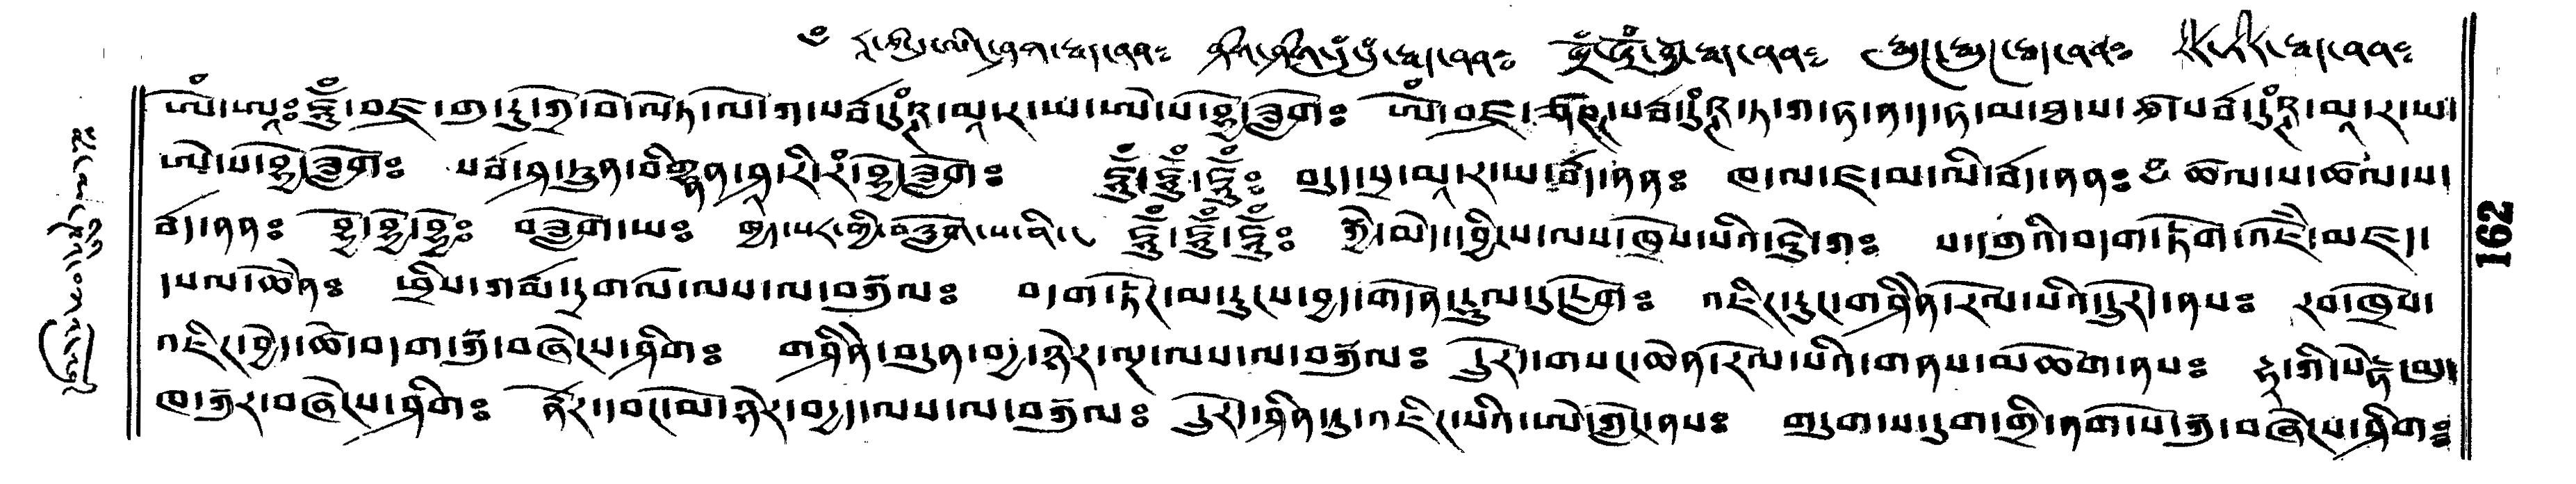ཨོཾ་ཨ༔ཧཱུྃ་བཛྲ་གུ་རུ་གྲོ་བོ་ལོཏ་ལོ་ཀ་སརྦ་དུཥྚན་མཱ་ར་ཡ་ཨེ་ས་བྷྱོ་ཟློག༔ ཨོཾ་བཛྲ་ཙཎྜ་སརྦ་དུཥྚན་ཏ་ཀ་ཧ་ན་ད་ཧ་མ་ཐ་ས་ཙ་སརྦ་དུཥྚན་མཱ་ར་ཡ་
ཨེ་ས་བྷྱོ་ཟློག༔ སརྦ་ཤ་ཏྲུན་བིགྷྣན་ཤཱ་རི་རཾ་བྷྱོ་ཟློག༔ ཧཱུྃ་ཧཱུྃ་ཧཱུྃ༔ བདུད་པྲ་མཱ་ར་ཡ་རྦད་ནན༔ ཁ་ལ་ཛ་མ་ལོ་རྦད་ནན༔ རཱ་ཙ་དུ་ལིང་ཤག་རྦད་ནན༔ ཤིག་ཤིག་དུཾ་དུཾ་རྦད་ནན༔ ཁྲོཾ་ཁྲོཾ་བྷྱོ་རྦད་ནན༔ རྨུགས་རྨུགས་རྦད་ནན༔ ཏིར་ཏིར་རྦད་ནན༔ ཚལ་པ་ཚལ་པ་
རྦད་ནན༔ བྷྱོ་བྷྱོ་བྷྱོ༔ ཟློག་ཡ༔ ཁྱད་པར་གྱི་བཟློག་པ་ནི། ཧཱུྃ་ཧཱུྃ་ཧཱུྃ༔ སྐྱེ་མེད་དབྱིངས་ལས་ཁྲོས་པའི་ཧེ་རུ་ཀ༔ ས་དགུའི་བདག་རྟོག་འཇོམས་མཛད་
དཔལ་ཆེན་པོ༔ ཕྲིན་ལས་ཀརྨ་དྲག་རྩལ་ལས་ལ་སྐུལ༔ བདག་རྟོག་མ་རུངས་བྱད་གདོན་རྡུལ་དུ་རློག༔ འཇིགས་རུང་གཤིན་རྗེ་རོལ་པའི་དུར་ཁྲོད་ནས༔ རབ་ཁྲོས་
འཇིགས་བྱེད་ཚེ་བདག་སྐུ་བཞེངས་ཤིག༔ གཤིན་རྗེ་བདུན་བརྒྱ་ཉེར་ལྔ་ལས་ལ་སྐུལ༔ དུར་ཁྲོད་གསང་ཆེན་རོལ་པའི་གནས་མཆོག་ནས༔ དྷཱ་ཀི་སེངྷ་མུ་
ཁ་སྐུ་བཞེངས་ཤིག༔ རྣལ་འབྱོར་དབང་མོ་ཉེར་བརྒྱད་ལས་ལ་བསྐུལ༔དུར་ཁྲོད་ཤིན་ཏུ་འཇིགས་པའི་ཨེ་ཀློང་ནས༔ གདུག་པ་དུག་གྲི་ནག་པོ་སྐུ་བཞེངས་ཤིག༔